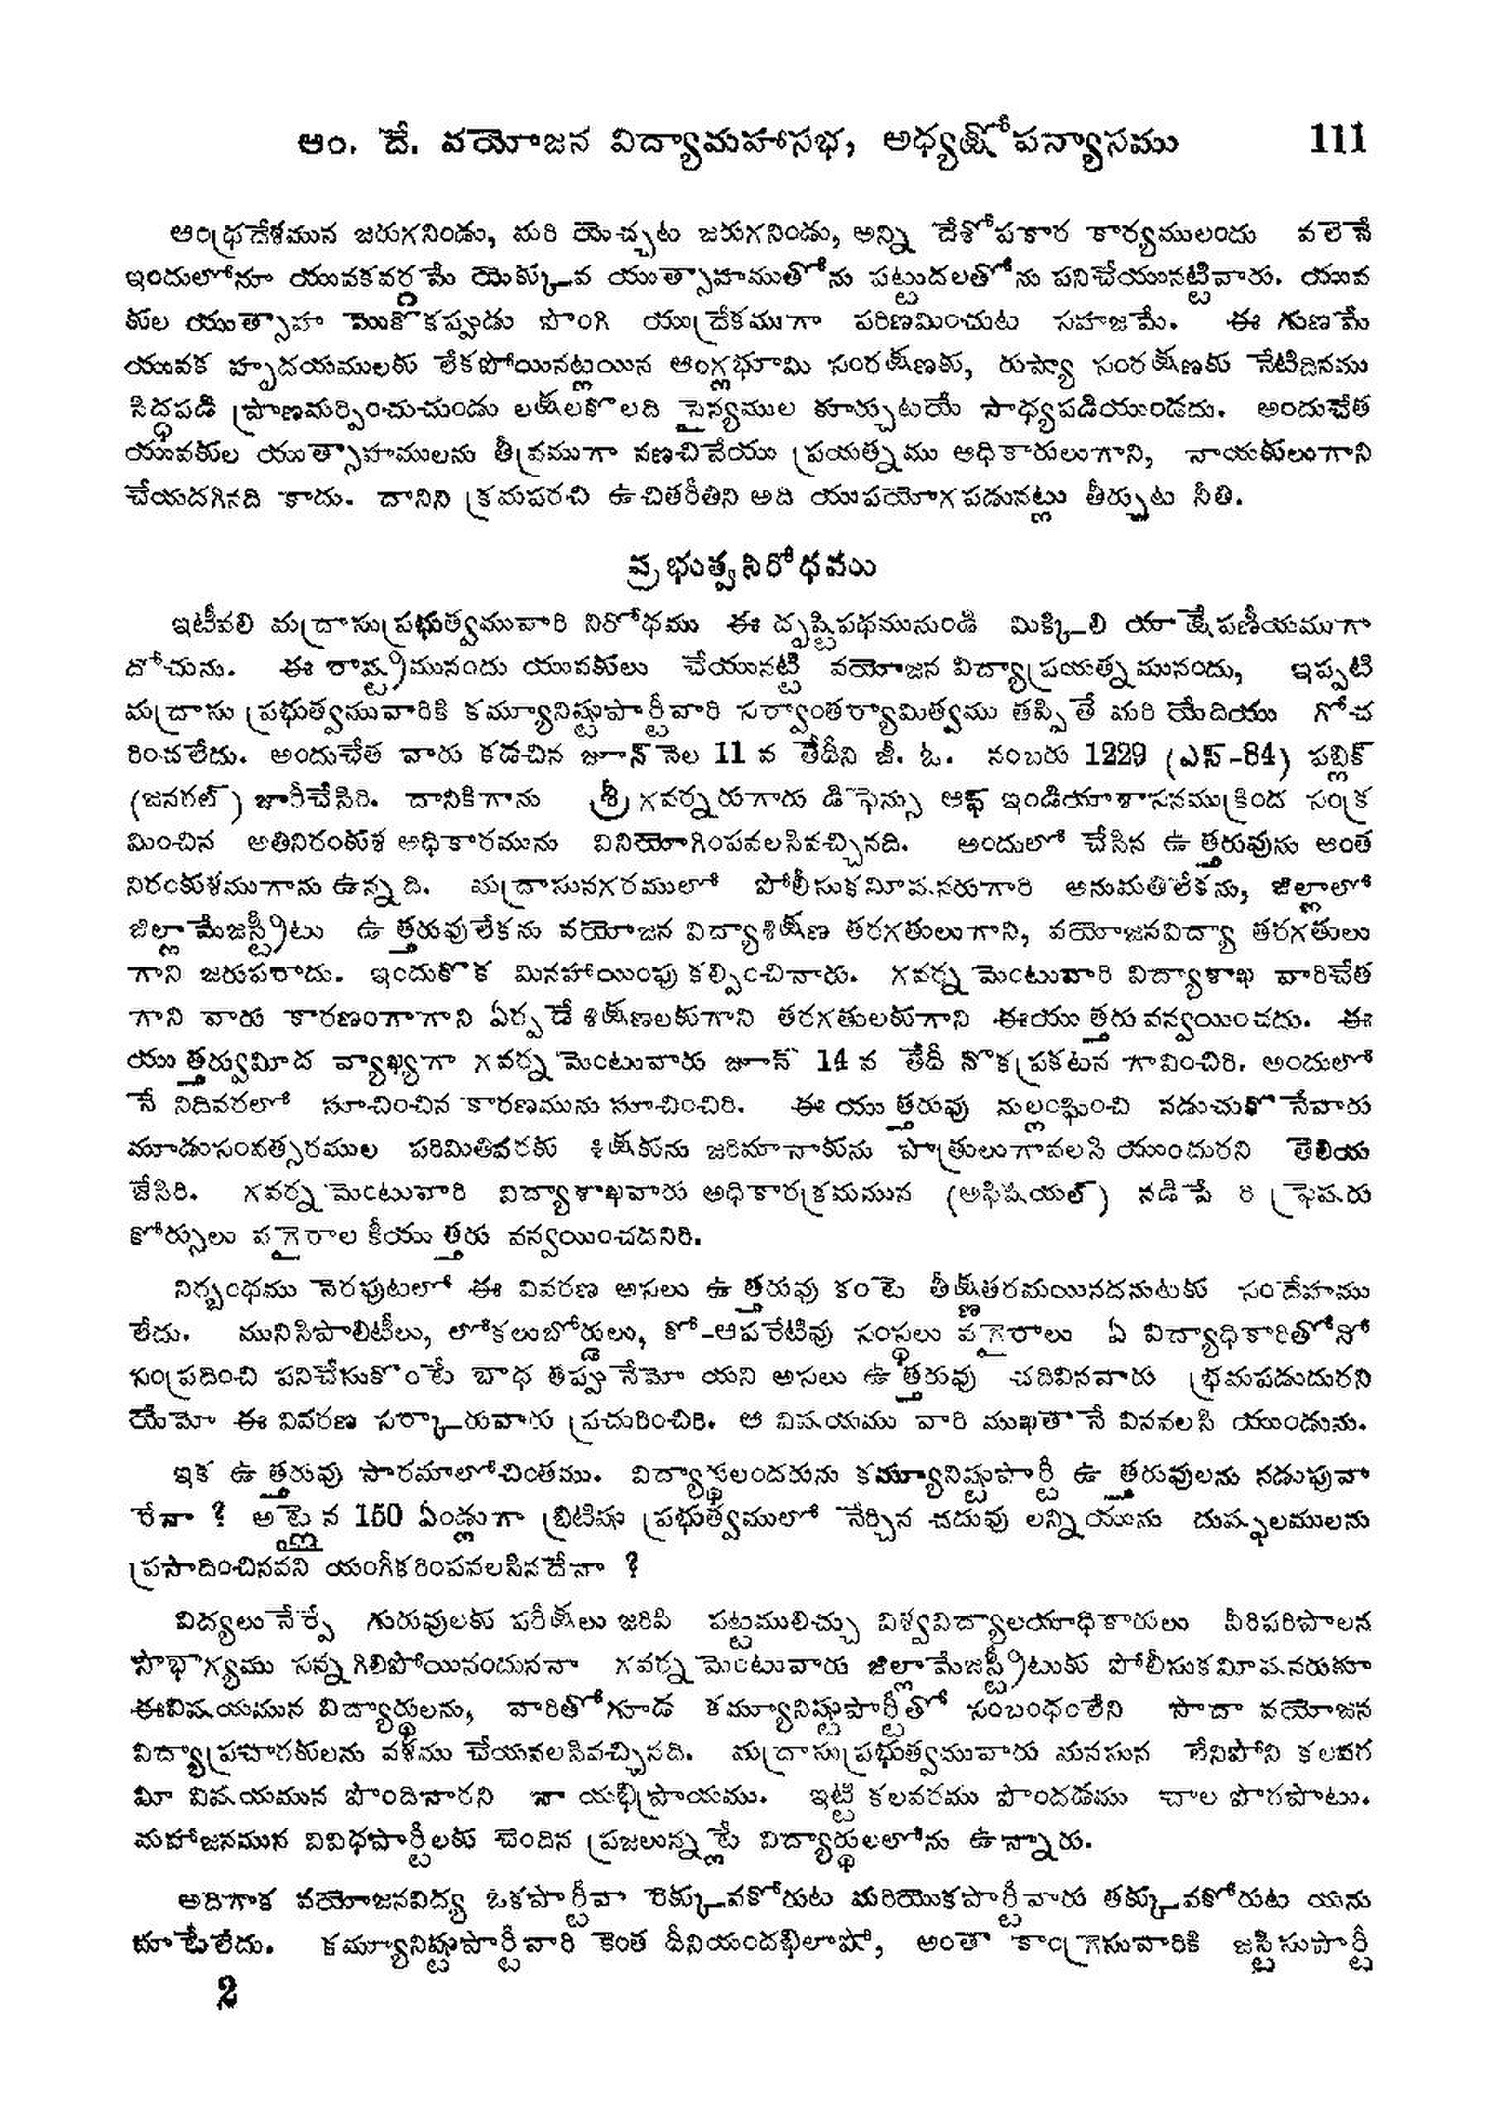ఆంధ్రదేశమున జరుగనిండు, మరి యెచ్చట జరుగనిండు, అన్ని దేశోపకార కార్యములందు వలెనే ఇందులోనూ యువకవర్గమే 
యెక్కువ యుత్సాహముతోను పట్టుదలతోను పనిచేయునట్టివారు. యువకుల యుత్సాహ మొక్కప్పుడు పొంగి యుద్రేకముగా
పరిణమించుట సహజమే. ఈ గుణమే యువక హృదయములకు లేకపోయినట్లయిన ఆంగ్లభూమి సంరక్షణకు, రుష్యా సంరక్షణకు నేటిదినము సిద్దపడి ప్రాణమర్పించుచుండు లక్షలకొలది సైన్యముల కూర్చుటయే సాధ్యపడియుండదు. అందుచేత
యువకుల యుత్సాహములను తీవ్రముగా నణచివేయు ప్రయత్నము అధికారులుగాని, నాయకులుగాని చేయదగినది కాదు. దానిని క్రమపరచి ఉచితరీతిని అది యుపయోగ పడునట్లు తీర్చుట నీతి.

ఇటీవలి మద్రాసు ప్రభుత్వమువారి నిరోధము ఈ దృష్టిపథమునుండి మిక్కిలి యాక్షేపణీయముగా దోచును. ఈ రాష్ట్రమునందు 
యువకులు చేయునట్టి వయోజన విద్యాప్రయత్నమునందు, ఇప్పటి మద్రాసు ప్రభుత్వమువారికి కమ్యూనిస్టు పార్టీవారి 
సర్వాంతర్యామిత్వము తప్పితే మరి యేదియు గోచరించలేదు. అందుచేత వారు కడచిన జూన్ నెల 11 వ తేదీని 
జీ.ఓ.నంబరు 1229 (ఎస్-84) పబ్లిక్ (జనరల్) జారీచేసిరి. దానికి గాను గవర్నరుగారు డిఫెన్సు ఆఫ్ ఇండియాశాసనము 
క్రింద సంక్రమించిన అతినిరంకుశ అధికారమును వినియోగింపవలసివచ్చినది. అందులో చేసిన ఉత్తరువును అంత
నిరంకుశముగాను ఉన్నది. మద్రాసు నగరములో పోలీసు కమీషనర్ అనుమతిలేకను, జిల్లాలో జిల్లా మేజిస్ట్రేటు ఉత్తరువులేకను 
వయోజన విద్యాశిక్షణ తరగతులుగాని, వయోజన విద్యా తరగతులు గాని జరుపరాదు. ఇందుకొక మినహాయింపు కల్పించినారు.
గవర్నమెంటువారి విద్యాశాఖ వారిచేత గాని వారు కారణంగా గాని ఏర్పడే శిక్షణలకుగాని తరగతులకుగాని ఈయుత్తరు 
వన్వయించదు. ఈ యుత్తర్వుమీద వ్యాఖ్యగా గవర్నమెంటువారు జూన్ 14వ తేదీ నొక ప్రకటన గావించిరి. అందులో
నే నిదివరలో సూచించిన కారణమును సూచించిరి. ఈ యుత్తరువు నుల్లంఘించి నడుచుకొసేవారు మూడు సంవత్సరముల 
పరిమితివరకు శిక్షకును జరిమానాకును పాత్రులుగావలసియుందురని తెలియబేసిరి. గవర్నమెంటువారి విద్యాశాఖవారు 
ఆధికారక్రమమున (అఫిషియల్) నడిపే ౪ ఫ్రెషర్ కోర్సులు వగైరాల కియుత్తరు వన్వయించదనిరి.

నిర్బంధము నెరపుటలో ఈ వివరణ అసలు ఉత్తరువు కంటే తీక్షుతరమయినదనుటకు సందేహము లేదు. మునిసిపాలిటీలు, 
లోకలుబోర్డులు, కో-ఆపరేటివు సంస్థలు వగైరాలు ఏ విద్యాధికారితోనో సంప్రదించి పనిచేసుకొంటే బాధ తప్పునేమో యని 
అసలు ఉత్తరువు చదివినవారు భ్రమపడుదురనియేమో ఈ వివరణ సర్కారువారు ప్రచురించిరి. ఆ విషయము వారి 
ముఖతానే వినవలసియుండును.

ఇక ఉత్తరువు సొరమాలోచింతము. విద్యార్థులందరును కమ్యూనిష్టు పార్టీ ఉత్తరువులను నడుపువారేనా? అట్లైన 150 ఏండ్లుగా 
బ్రిటిషు ప్రభుత్వములో నేర్చిన చదువు లన్నియును దుష్ఫలములను ప్రసాదించినవని యంగీకరింపవలసినదేనా?

విద్యలునేర్పే గురువులకు పరీక్షలు జరిపి పట్టములిచ్చు విశ్వవిద్యాలయాధికారులు వీరిపరిపాలన సౌభాగ్యము 
సన్నగిలిపోయినందుననా గవర్నమెంటువారు జిల్లా మేజిస్ట్రేటుకు పోలీసు కమీషనరుకూ ఈవిషయమున విద్యార్థులను, 
వారితోగూడ కమ్యూనిస్టుపార్టీతో సంబంధంలేని సాదా వయోజనవిద్యాప్రచారకులను వశము చేయవలసివచ్చినది. మద్రాసు 
ప్రభుత్వము వారు మనసున లేనిపోని కలవగ మీ విషయమున పొందినారని నా యభిప్రాయము. ఇట్టి కలవరము పొందడము 
చాల పొరపాటు. మహాజనమున వివిధపార్టీలకు చెందిన ప్రజలున్నట్లే విద్యార్థులలోను ఉన్నారు.

అదిగాక వయోజనవిద్య ఒకపార్టీవా రెక్కువకోరుట మరియొక పార్టీవారు తక్కువ కోరుట యను మాటేలేదు. కమ్యూనిస్ట్ 
పార్టీ వారి కెంత దీనియందభిలాషో, అంతా కాంగ్రెసు వారికి జస్టీసుపార్టీ